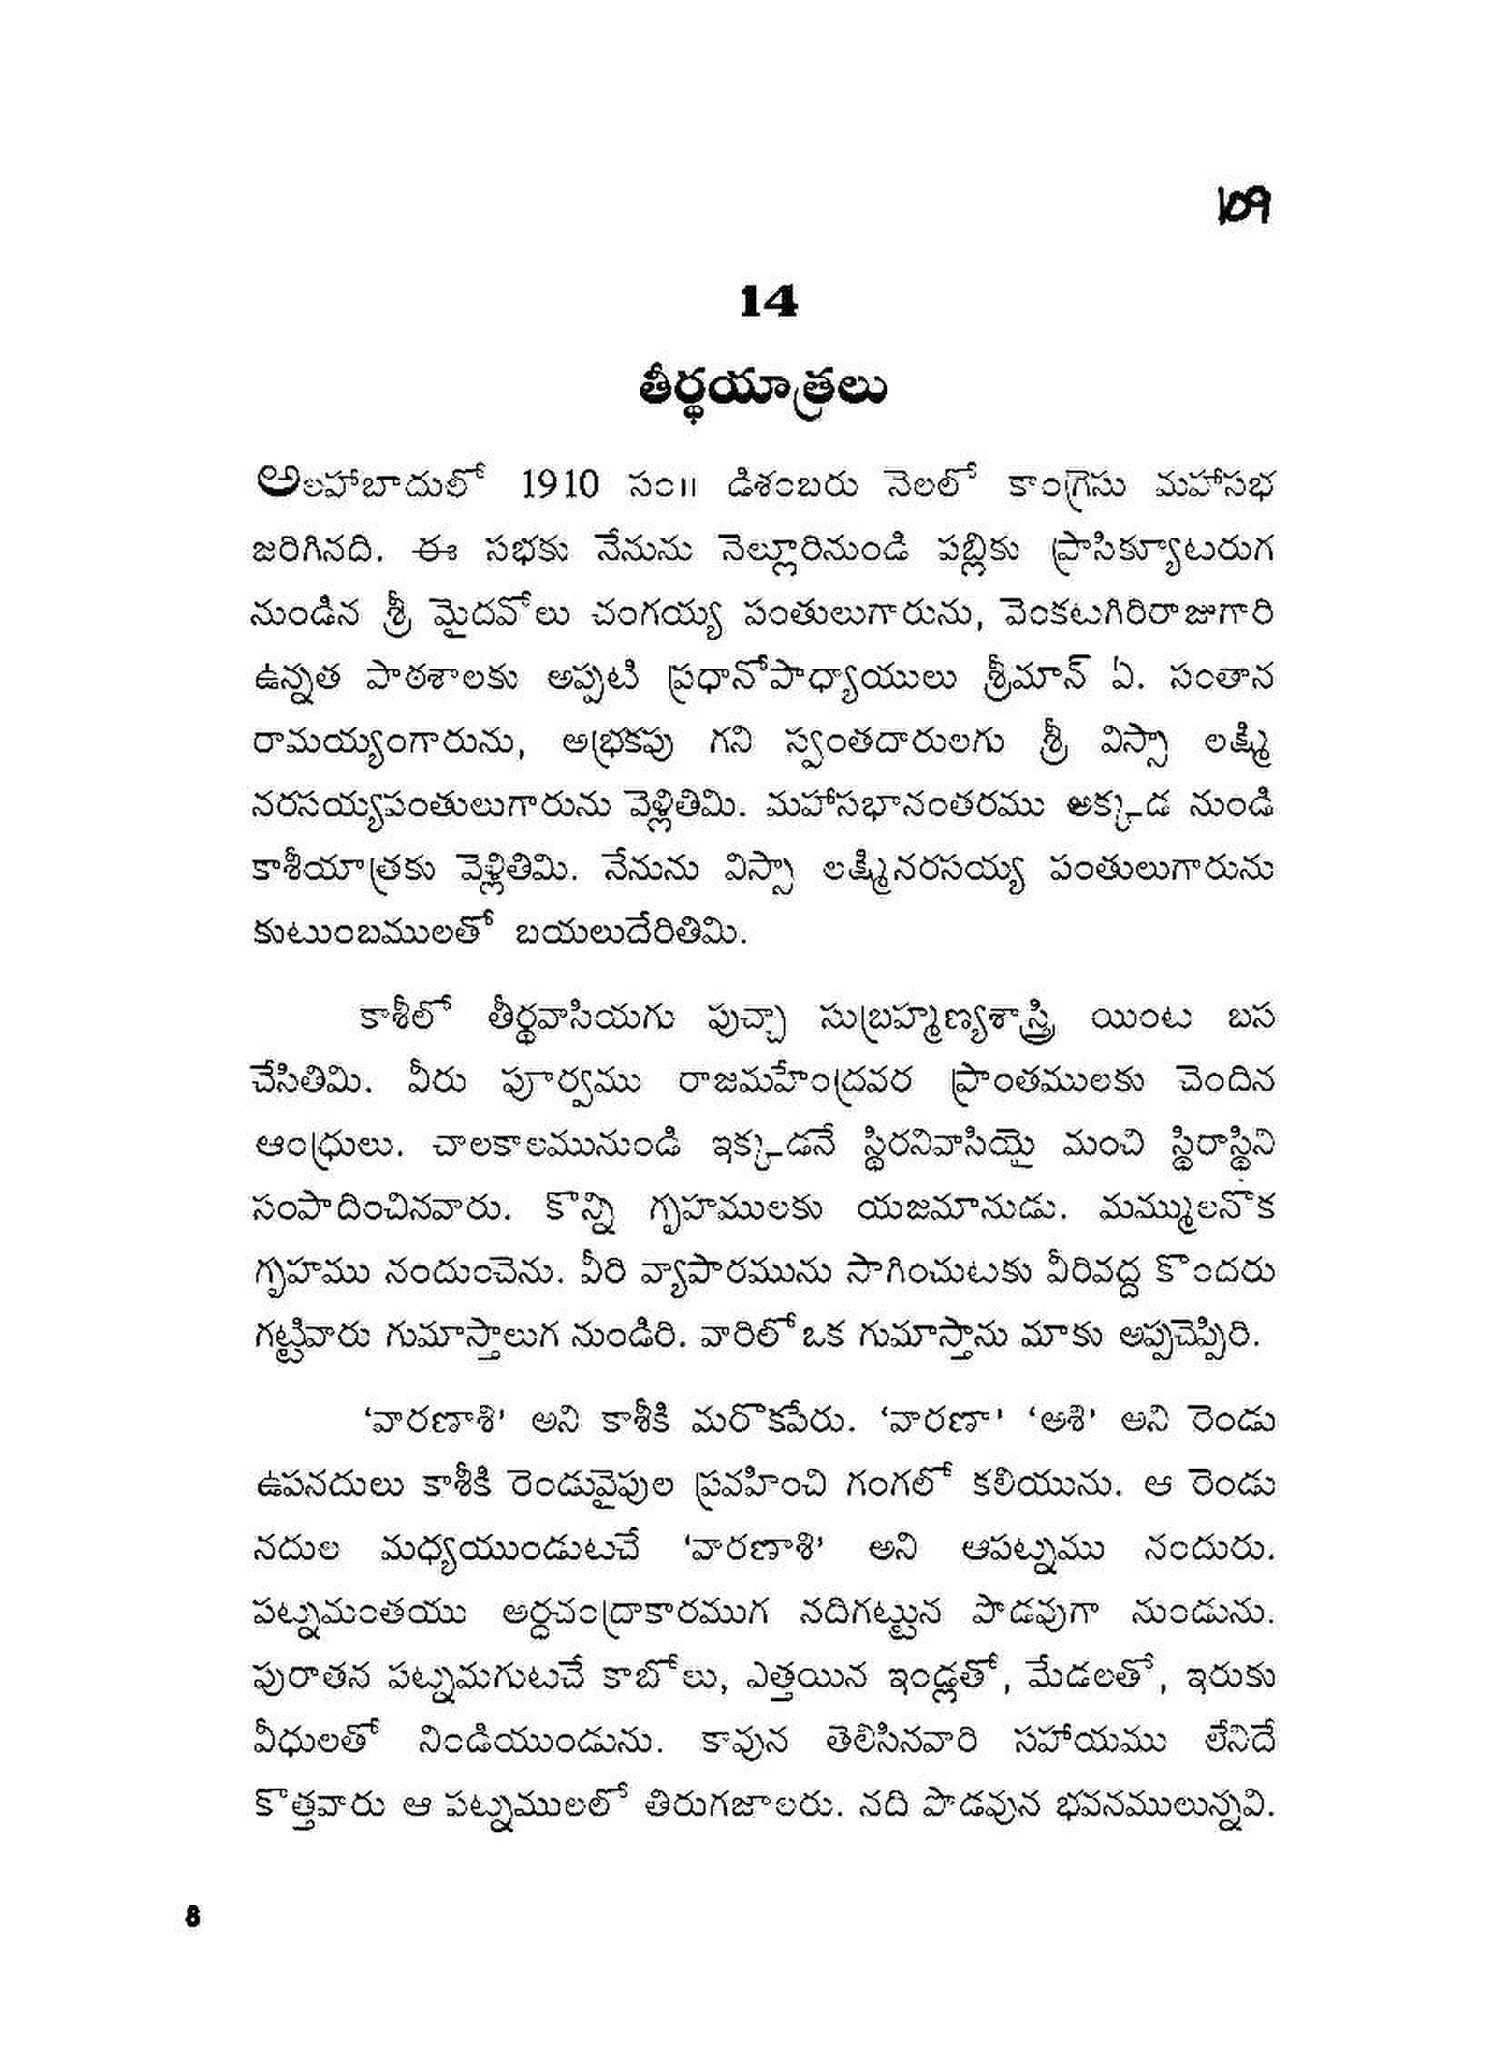అలహాబాదులో 1910 సం|| డిశంబరు నెలలో కాంగ్రెసు మహాసభ జరిగినది. ఈ సభకు నేనును నెల్లూరినుండి పబ్లికు ప్రాసిక్యూటరుగ నుండిన శ్రీ మైదవోలు చంగయ్య పంతులుగారును, వెంకటగిరిరాజుగారి ఉన్నత పాఠశాలకు అప్పటి ప్రధానోపాధ్యాయులు శ్రీమాన్ ఏ. సంతాన రామయ్యంగారును, అభ్రకపు గని స్వంతదారులగు శ్రీ విస్సా లక్ష్మీ నరసయ్యపంతులుగారును వెళ్లితిమి. మహాసభానంతరము అక్కడ నుండి కాశీయాత్రకు వెళ్లితిమి. నేనును విస్సా లక్ష్మీనరసయ్య పంతులుగారును కుటుంబములతో బయలుదేరితిమి.

కాశీలో తీర్థవాసియగు పుచ్చా సుబ్రహ్మణ్యశాస్త్రి యింట బస చేసితిమి. వీరు పూర్వము రాజమహేంద్రవర ప్రాంతములకు చెందిన ఆంధ్రులు. చాలకాలమునుండి ఇక్కడనే స్థిరనివాసియై మంచి స్థిరాస్థిని సంపాదించినవారు. కొన్ని గృహములకు యజమానుడు. మమ్ములనొక గృహము నందుంచెను. వీరి వ్యాపారమును సాగించుటకు వీరివద్ద కొందరు గట్టివారు గుమాస్తాలుగ నుండిరి. వారిలో ఒక గుమాస్తాను మాకు అప్పచెప్పిరి.

'వారణాశి" అని కాశీకి మరొకపేరు. 'వారణా' 'అశి' అని రెండు ఉపనదులు కాశీకి రెండువైపుల ప్రవహించి గంగలో కలియును. ఆ రెండు నదుల మధ్యయుండుటచే "వారణాశి" అని ఆపట్నము నందురు. పట్నమంతయు అర్ధచంద్రాకారముగ నదిగట్టున పొడవుగా నుండును. పురాతన పట్నమగుటచే కాబోలు, ఎత్తయిన ఇండ్లతో, మేడలతో, ఇరుకు వీధులతో నిండియుండును. కావున తెలిసినవారి సహాయము లేనిదే కొత్తవారు ఆ పట్నములలో తిరుగజాలరు. నది పొడవున భవనములున్నవి.